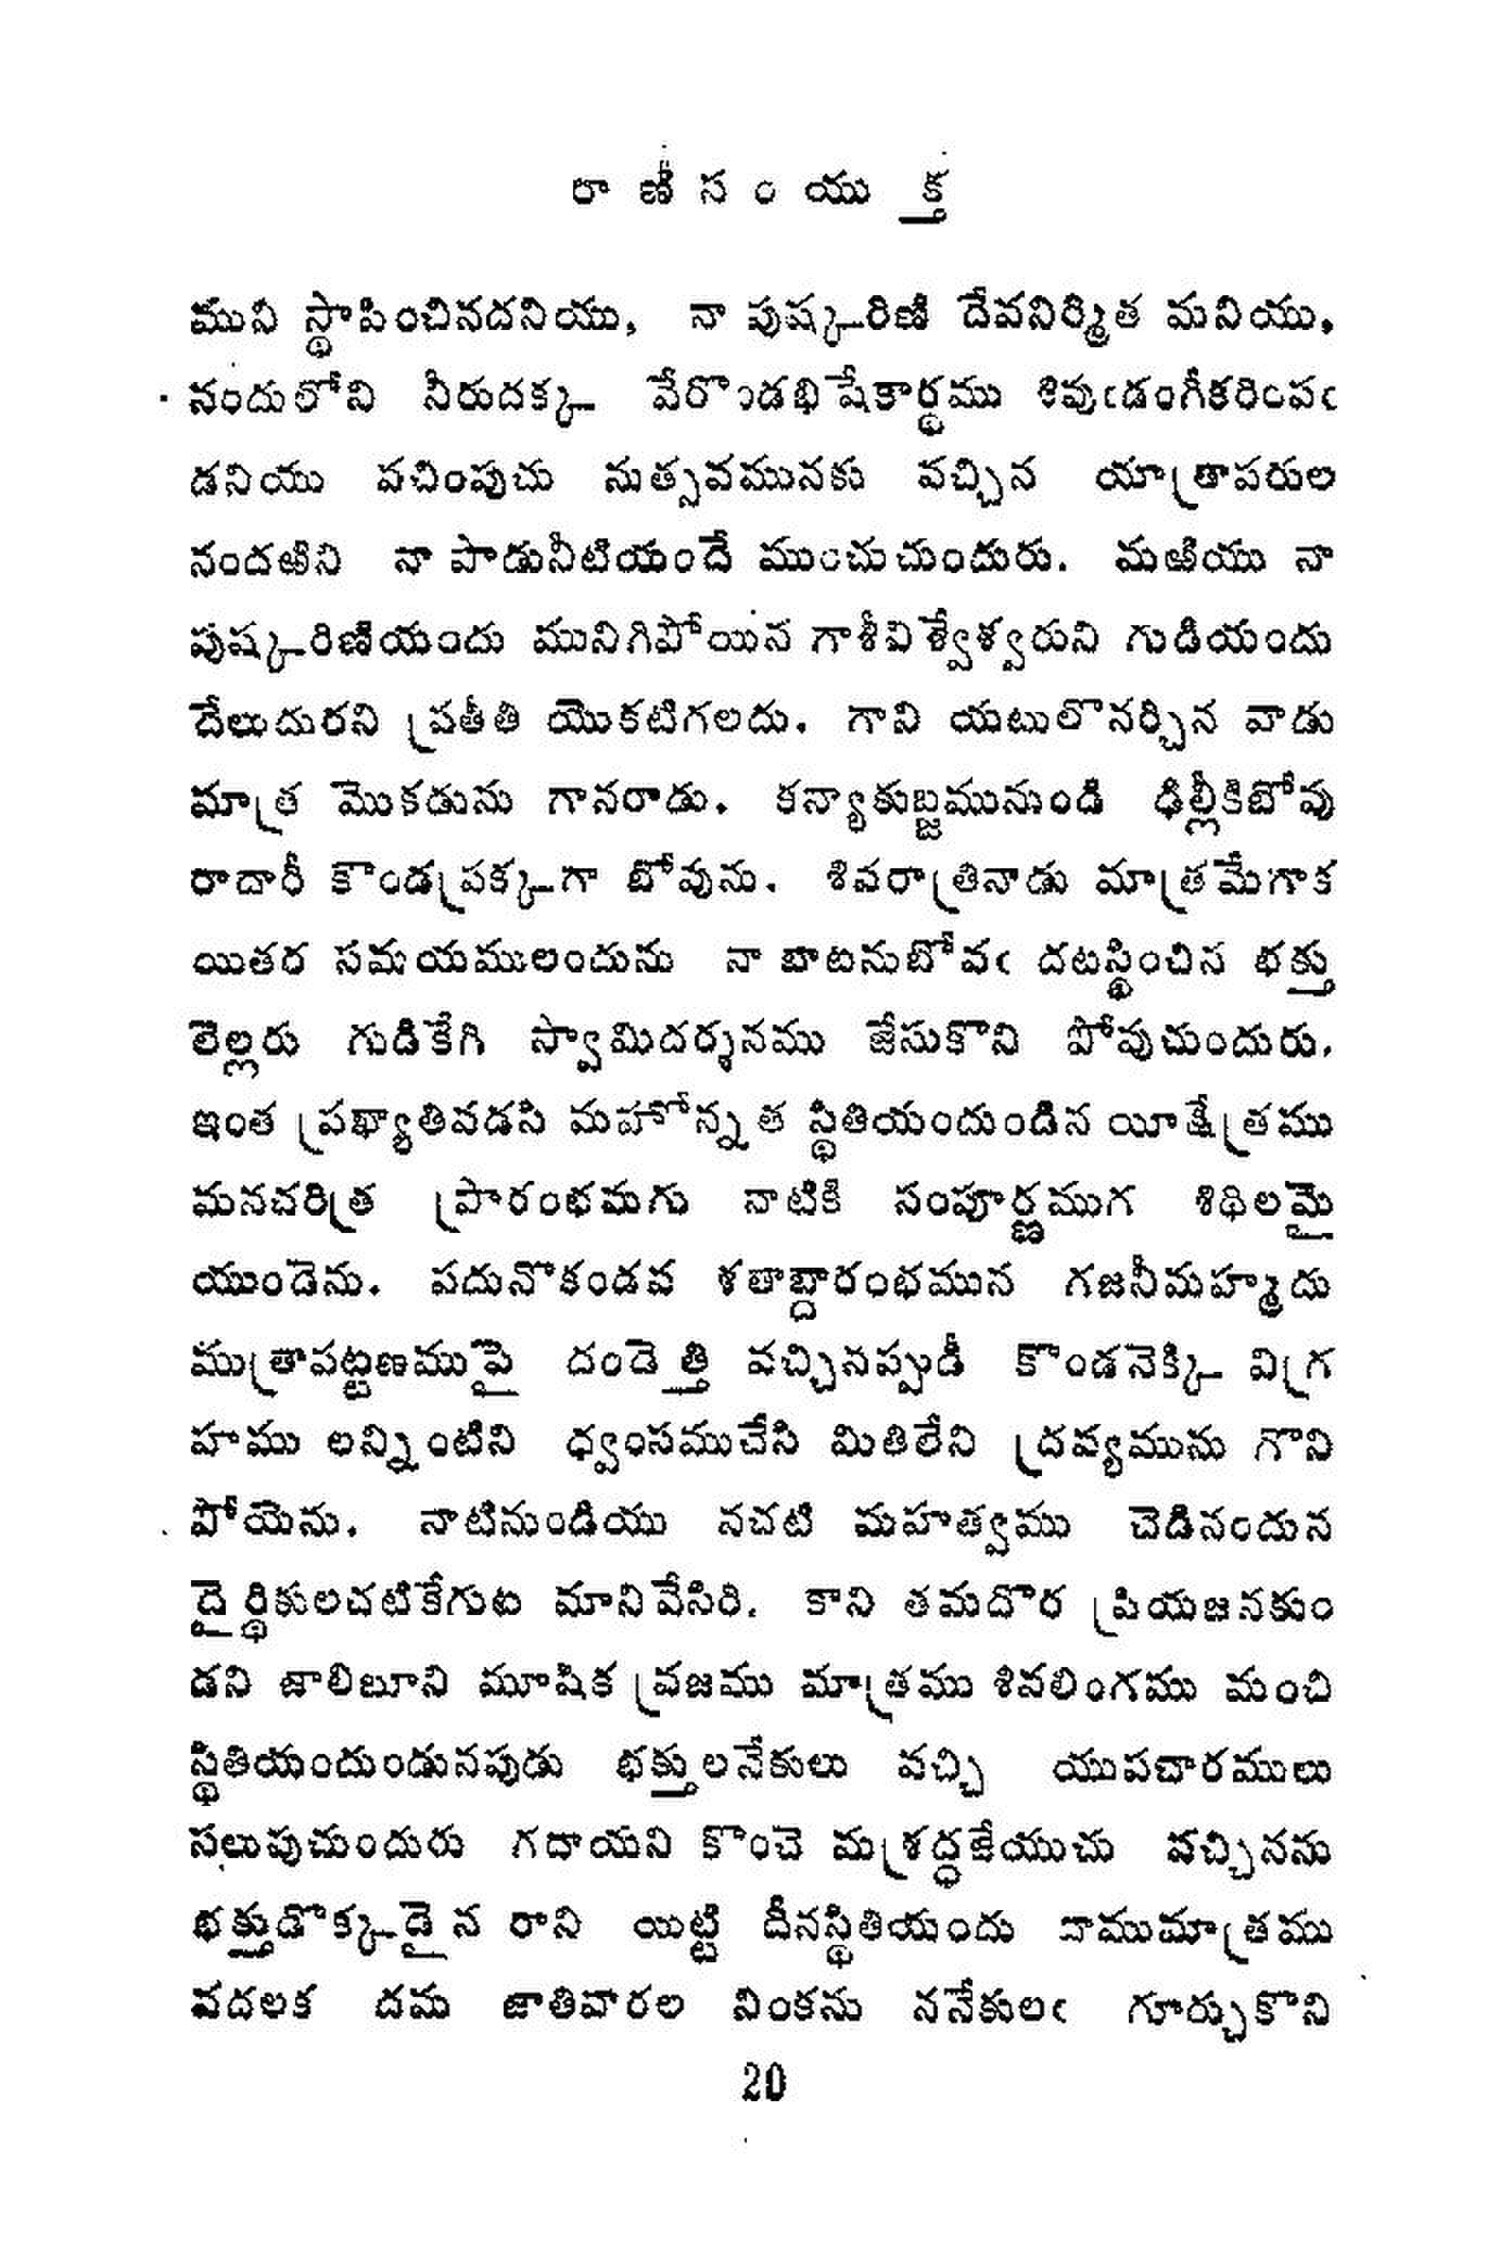ముని స్థాపించినదనియు, నా పుష్కరిణి దేవనిర్మిత మనియు, • నందులోని నీరుదక్క వేరొండభిషేకార్థము శివుఁడంగీకరింపఁ డనియు వచింపుచు నుత్సవమునకు వచ్చిన యాత్రాపరుల నందఱిని నా పాడునీటియందే ముంచుచుందురు. మఱియు నా పుష్కరిణియందు మునిగిపోయిన గాశీవిశ్వేశ్వరుని గుడియందు దేలుదురని ప్రతీతి యొకటిగలదు. గాని యటులొనర్చిన వాడు మాత్ర మొకడును గానరాడు. కన్యాకుబ్జమునుండి ఢిల్లీకిబోవు రాదారీ కొండప్రక్కగా బోవును. శివరాత్రినాడు మాత్రమేగాక యితర సమయములందును నా బాటనుబోవఁ దటస్థించిన భక్తులెల్లరు గుడికేగి స్వామిదర్శనము జేసుకొని పోవుచుందురు, ఇంత ప్రఖ్యాతివడసి మహోన్నత స్థితియందుండిన యీక్షేత్రము మనచరిత్ర ప్రారంభమగు నాటికి సంపూర్ణముగ శిథిలమై యుండెను. పదునొకండవ శతాబ్దారంభమున గజనీమహ్మదు ముత్రాపట్టణముపై దండెత్తి వచ్చినప్పుడీ కొండనెక్కి విగ్రహము లన్నింటిని ధ్వంసముచేసి మితిలేని ద్రవ్యమును గొనిపోయెను. నాటినుండియు నచటి మహత్వము చెడినందున దైర్థికులచటికేగుట మానివేసిరి. కాని తమదొర ప్రియజనకుండని జాలిబూని మూషిక వ్రజము మాత్రము శివలింగము మంచి స్థితియందుండునపుడు భక్తులనేకులు వచ్చి యుపచారములు సలుపుచుందురు గదాయని కొంచె మశ్రద్ధజేయుచు వచ్చినను భక్తుడొక్కడైన రాని యిట్టి దీనస్థితియందు దాముమాత్రము వదలక దమ జాతివారల నింకను ననేకులఁ గూర్చుకొని